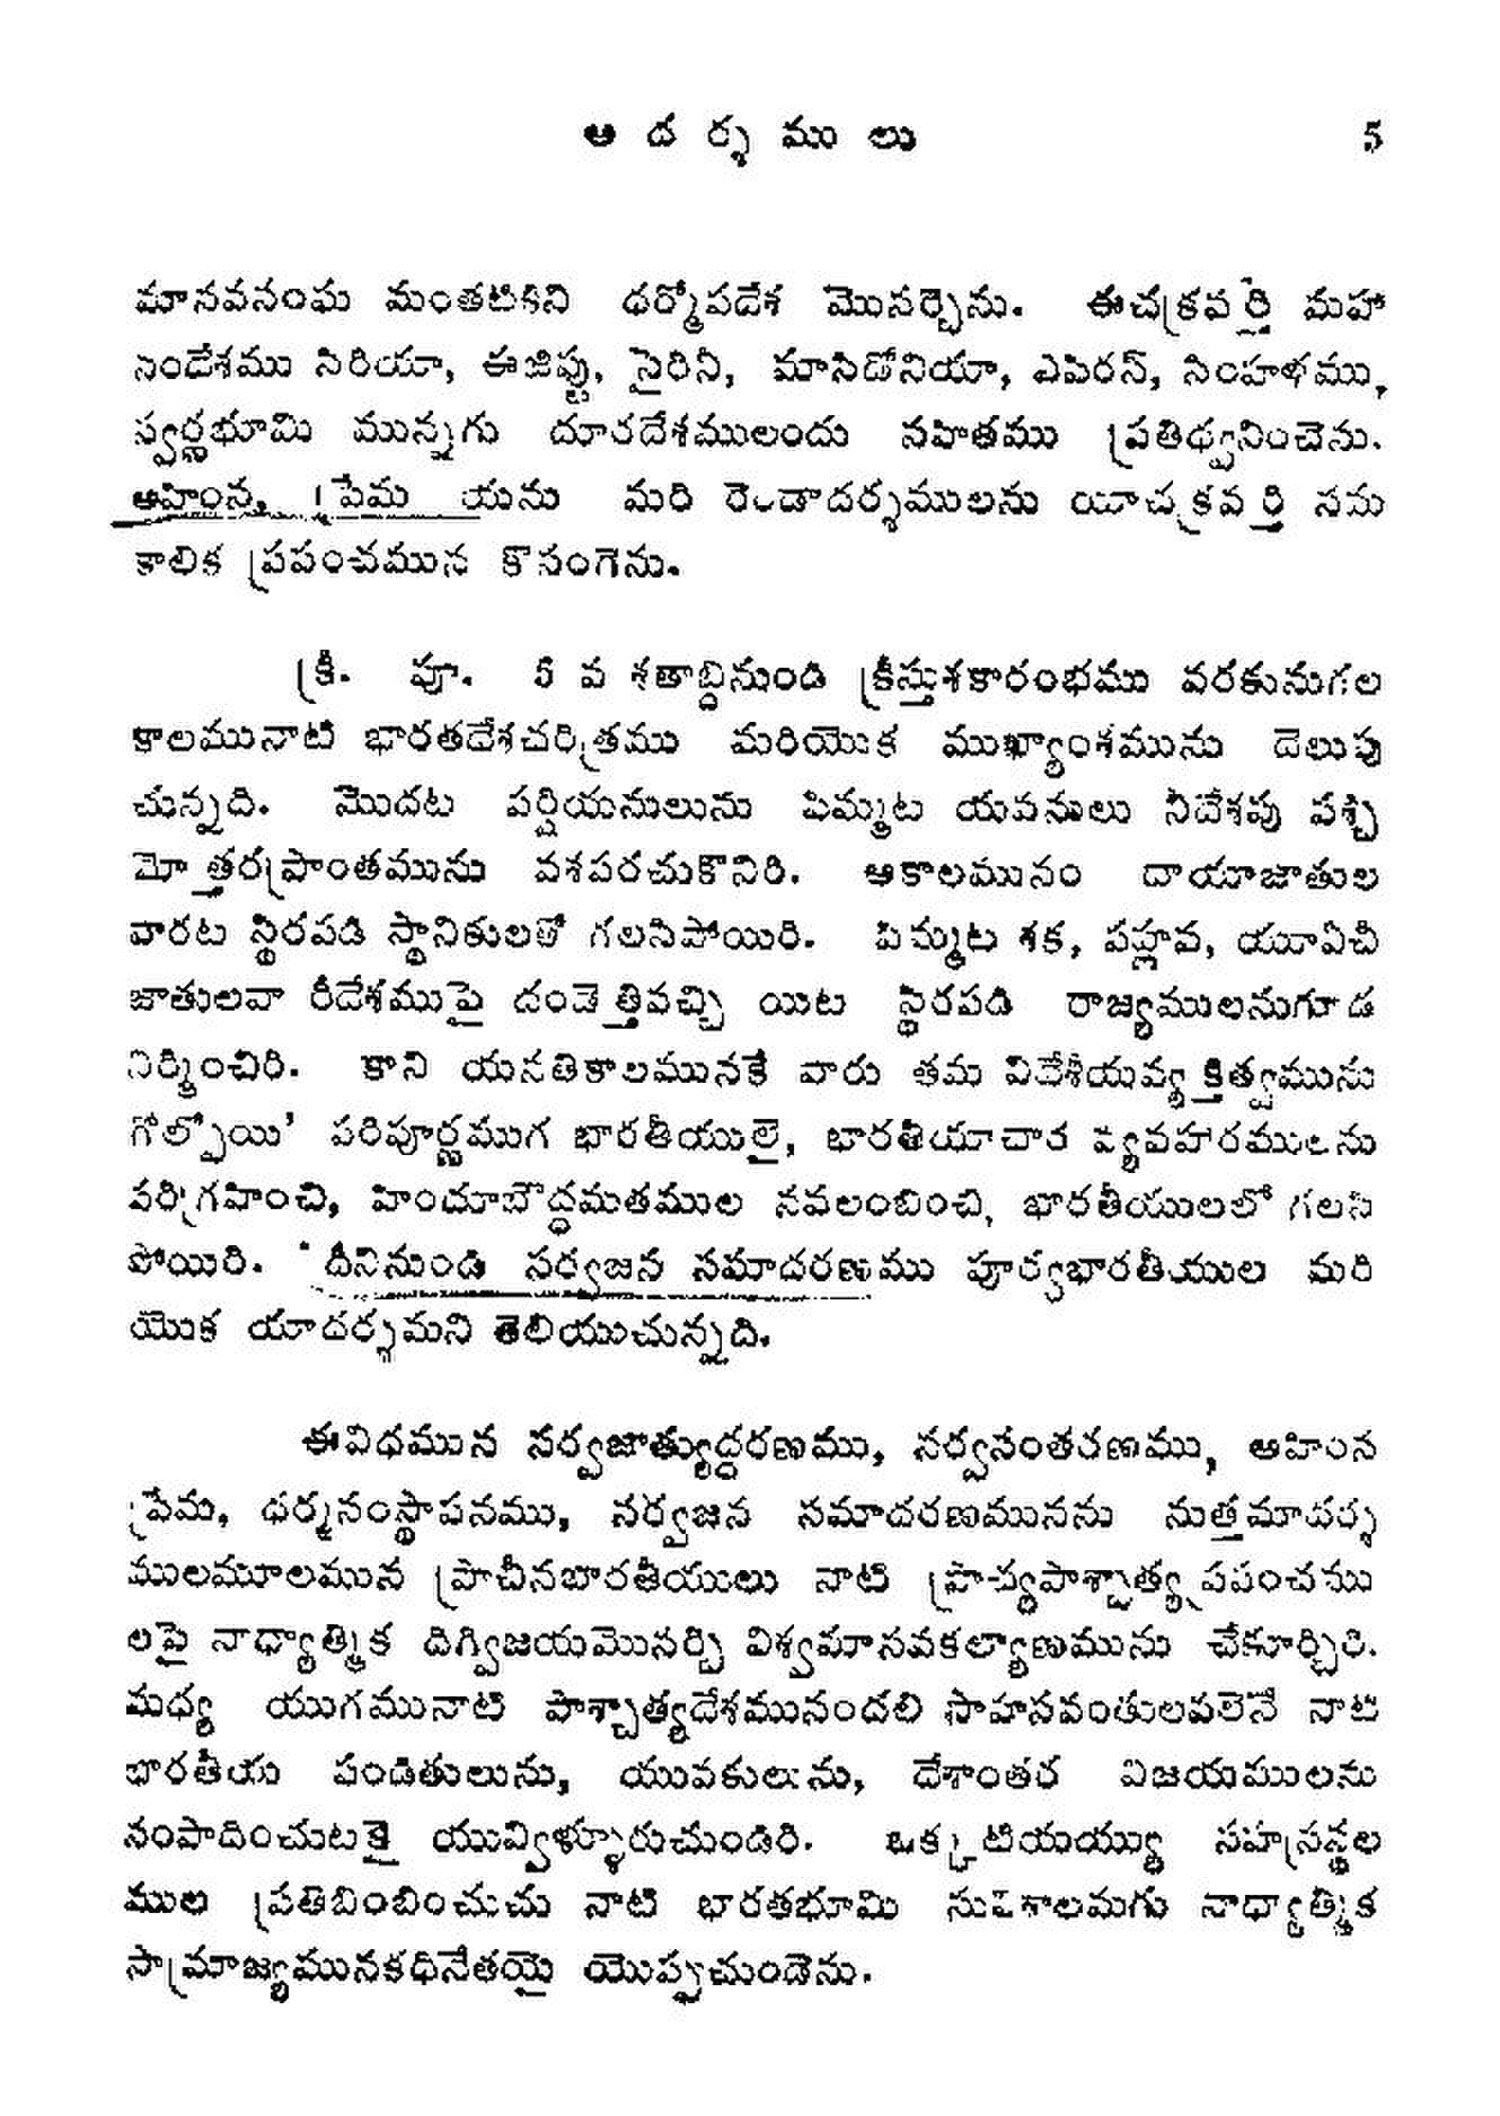మానవసంఘ మంతటికిని ధర్మోపదేశ మొనర్చెను. ఈచక్రవర్తి మహాసందేశము సిరియా, ఈజిప్టు, సైరినీ, మాసిడోనియా, ఎపిరస్, సింహళము, స్వర్ణభూమి మున్నగు దూరదేశములందు సహితము ప్రతిధ్వనించెను. అహింస, ప్రేమ యను మరి రెండాదర్శములను యీచక్రవర్తి సమకాలిక ప్రపంచమున కొసంగెను.

క్రీ. పూ. 5 వ శతాబ్దినుండి క్రీస్తుశకారంభము వరకునుగల కాలమునాటి భారతదేశచరిత్రము మరియొక ముఖ్యాంశమును దెలుపుచున్నది. మొదట పర్షియనులును పిమ్మట యవనులు నీదేశపు పశ్చిమోత్తరప్రాంతమును వశపరచుకొనిరి. ఆకాలమునం దాయాజాతుల వారట స్థిరపడి స్థానికులతో గలసిపోయిరి. పిమ్మట శక, పహ్లవ, యూఏచి జాతులవా రీదేశముపై దండెత్తివచ్చి యిట స్థిరపడి రాజ్యములనుగూడ నిర్మించిరి. కాని యనతికాలమునకే వారు తమ విదేశీయవ్యక్తిత్వమును గోల్పోయి' పరిపూర్ణముగ భారతీయులై, భారతీయాచార వ్యవహారములను పరిగ్రహించి, హిందూబౌద్దమతముల నవలంబించి, భారతీయులలో గలసిపోయిరి. "దీనినుండి సర్వజన సమాదరణము పూర్వభారతీయుల మరియొక యాదర్శమని తెలియుచున్నది.

ఈవిధమున సర్వజాత్యుద్దరణము, సర్వసంతరణము, అహింస, ప్రేమ, ధర్మసంస్థాపనము, సర్వజన సమాదరణమునను నుత్తమాదర్శములమూలమున ప్రాచీనభారతీయులు నాటి ప్రాచ్యపాశ్చాత్యప్రపంచములపై నాధ్యాత్మిక దిగ్విజయమొనర్చి విశ్వమానవకల్యాణమును చేకూర్చిరి. మధ్య యుగమునాటి పాశ్చాత్యదేశమునందలి సాహసవంతులవలెనే నాటి భారతీయ పండితులును, యువకులును, దేశాంతర విజయములను సంపాదించుటకై యువ్విళ్ళూరుచుండిరి. ఒక్కటియమ్ము సహస్రస్థలముల ప్రతిబింబించుచు నాటి భారతభూమి సువిశాలమగు నాధ్యాత్మిక సామ్రాజ్యమునకధినేతయై యొప్పుచుండెను.